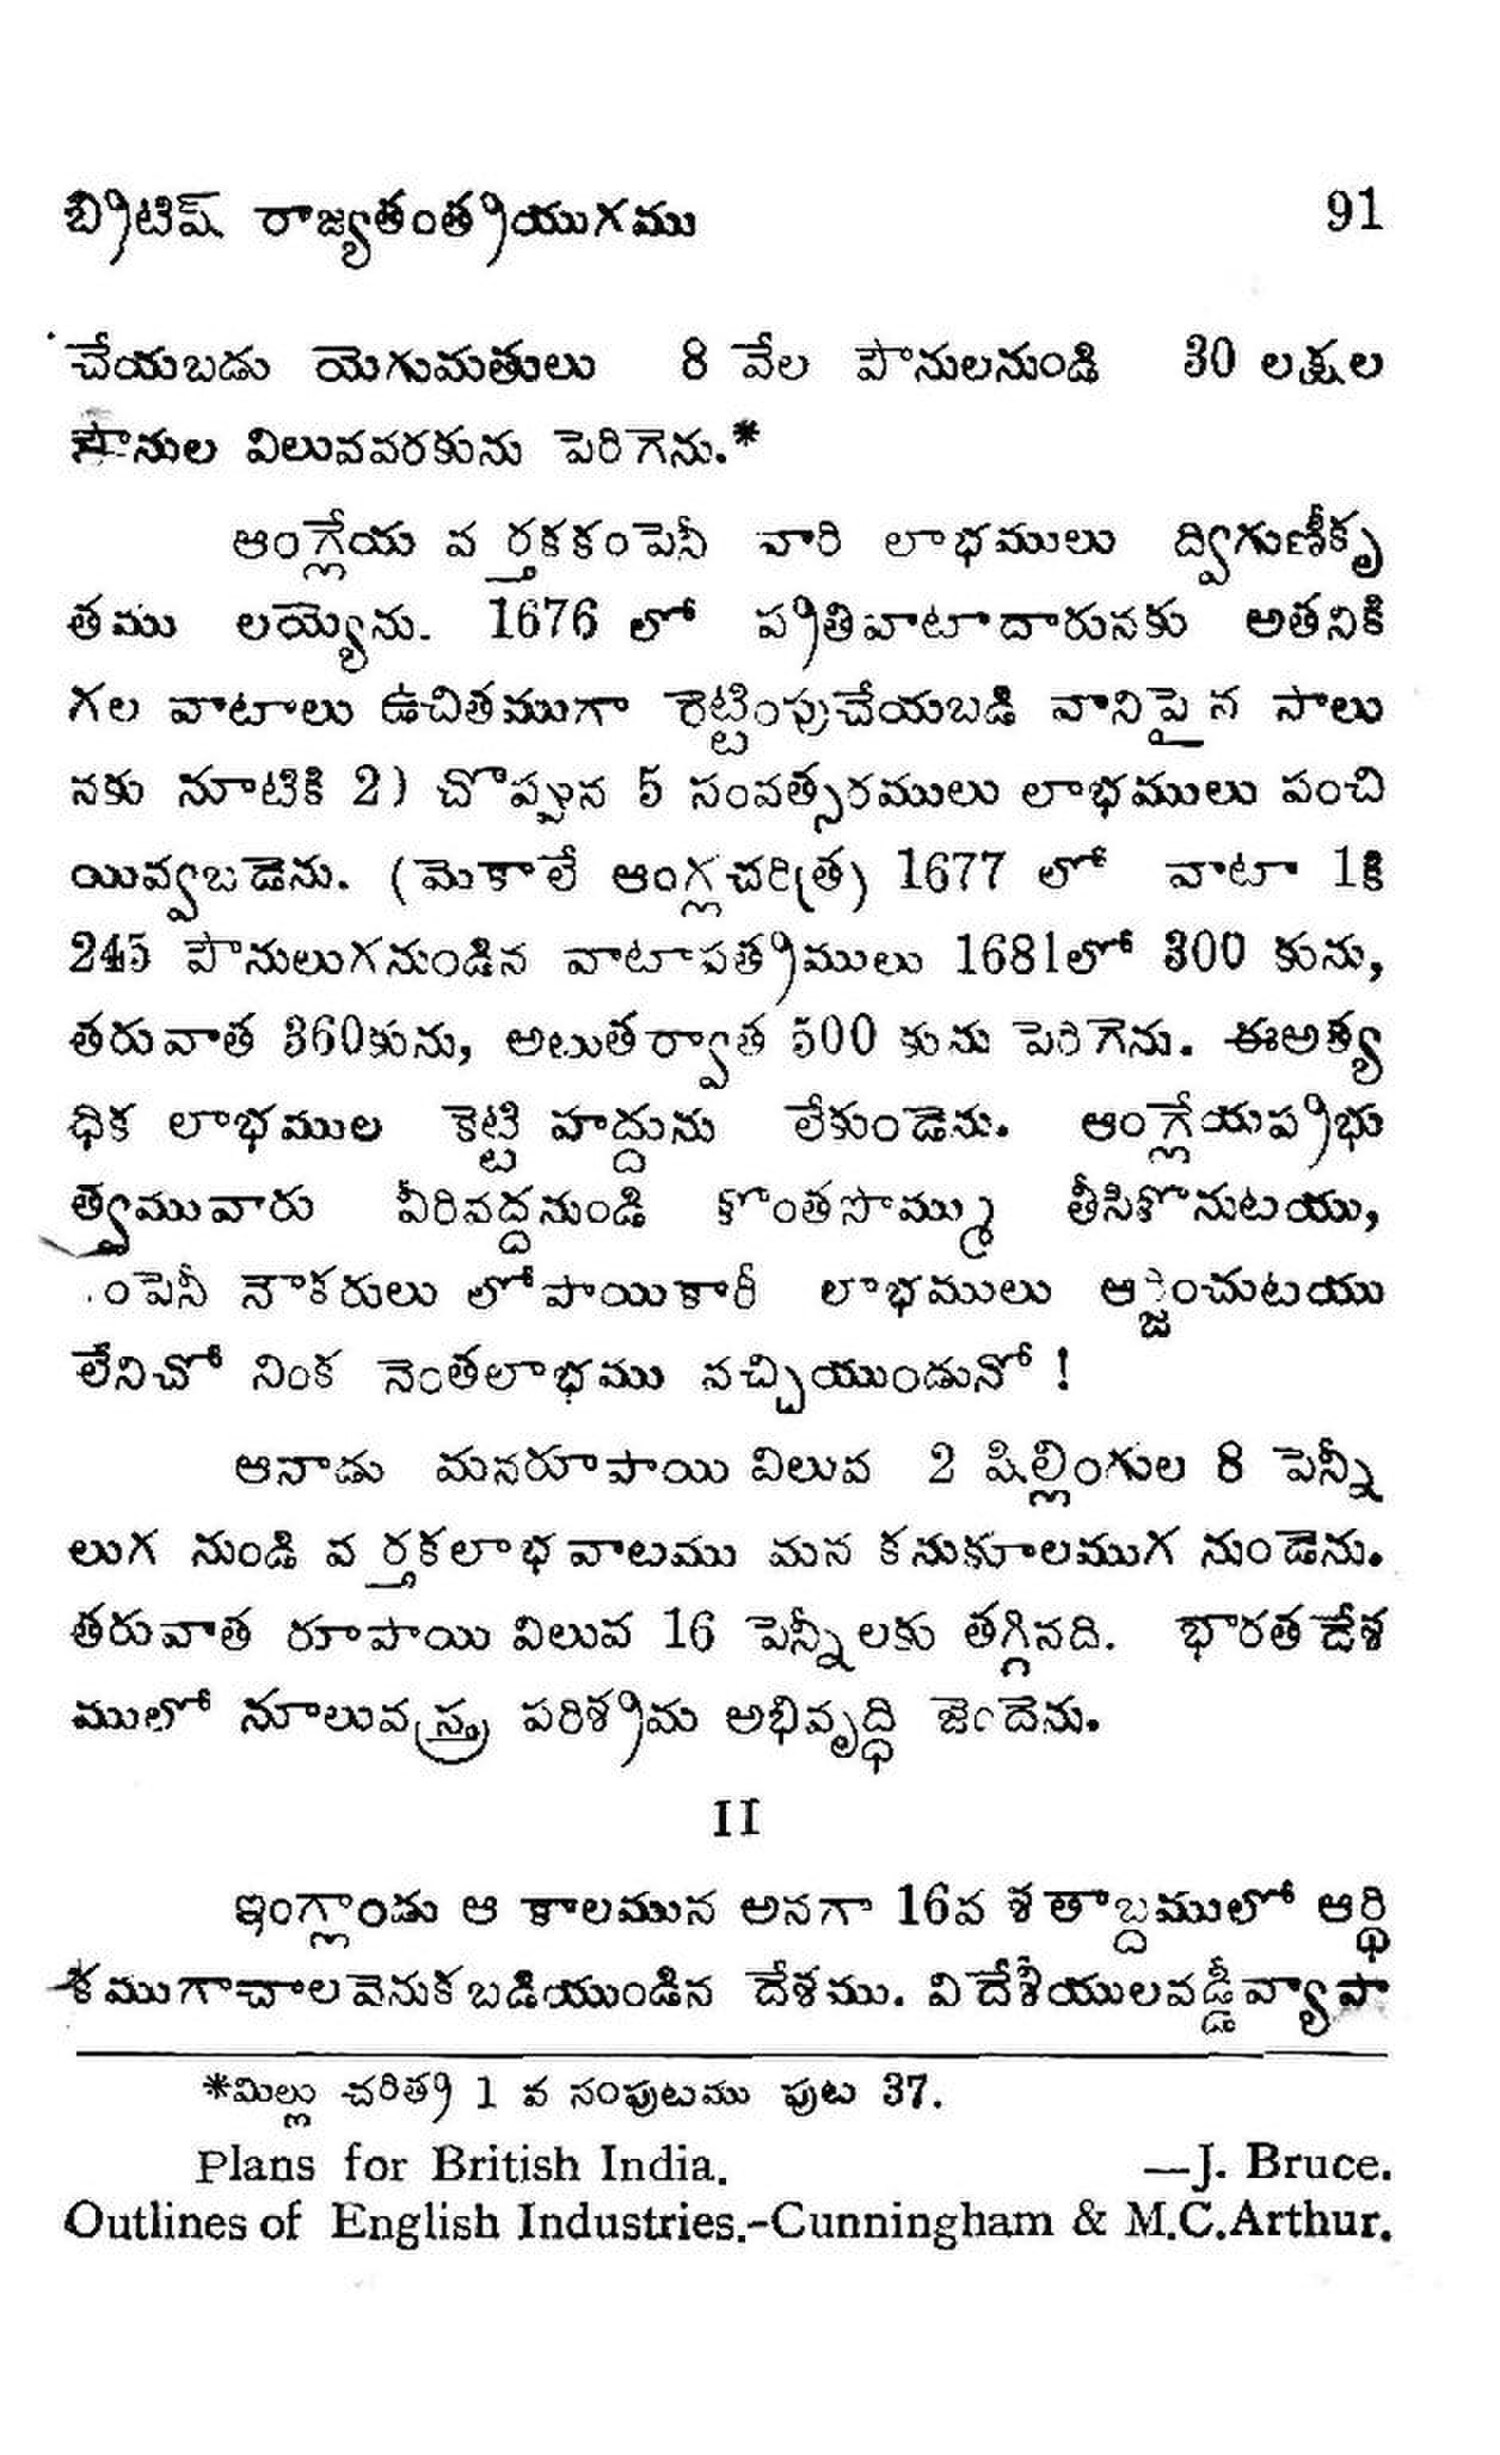చేయబడు యెగుమతులు 8 వేల పౌనులనుండి 30 లక్షల పౌనుల విలువవరకును పెరిగెను.

ఆంగ్లేయ వర్తకకంపెనీ వారి లాభములు ద్విగుణీకృతము లయ్యెను. 1676 లో ప్రతివాటాదారునకు అతనికి గల వాటాలు ఉచితముగా రెట్టింపుచేయబడి వానిపైన సాలునకు నూటికి 2 చొప్పున 5 సంవత్సరములు లాభములు పంచి యివ్వబడెను. (మెకాలే ఆంగ్లచరిత్ర) 1677 లో వాటా 1కి 245 పౌనులుగనుండిన వాటాపత్రములు 1681లో 300 కును, తరువాత 360కును, అటుతర్వాత 500 కును పెరిగెను. ఈ అత్యధిక లాభముల కెట్టి హద్దును లేకుండెను. ఆంగ్లేయప్రభుత్వమువారు వీరివద్దనుండి కొంత సొమ్ము తీసికొనుటయు, కంపెనీ నౌకరులు లోపాయికారీ లాభములు ఆర్జించుటయు లేనిచో నింక నెంతలాభము వచ్చియుండునో !

ఆనాడు మనరూపాయి విలువ 2 షిల్లింగుల 8 పెన్నీలుగ నుండి వర్తకలాభవాటము మన కనుకూలముగ నుండెను. తరువాత రూపాయి విలువ 16 పెన్నీలకు తగ్గినది. భారతదేశములో నూలువస్త్ర పరిశ్రమ అభివృద్ధి జెందెను.

II

ఇంగ్లాండు ఆ కాలమున అనగా 16వ శతాబ్దములో ఆర్థికముగాచాలవెనుకబడియుండిన దేశము. విదేశీయులవడ్డీ వ్యాపా